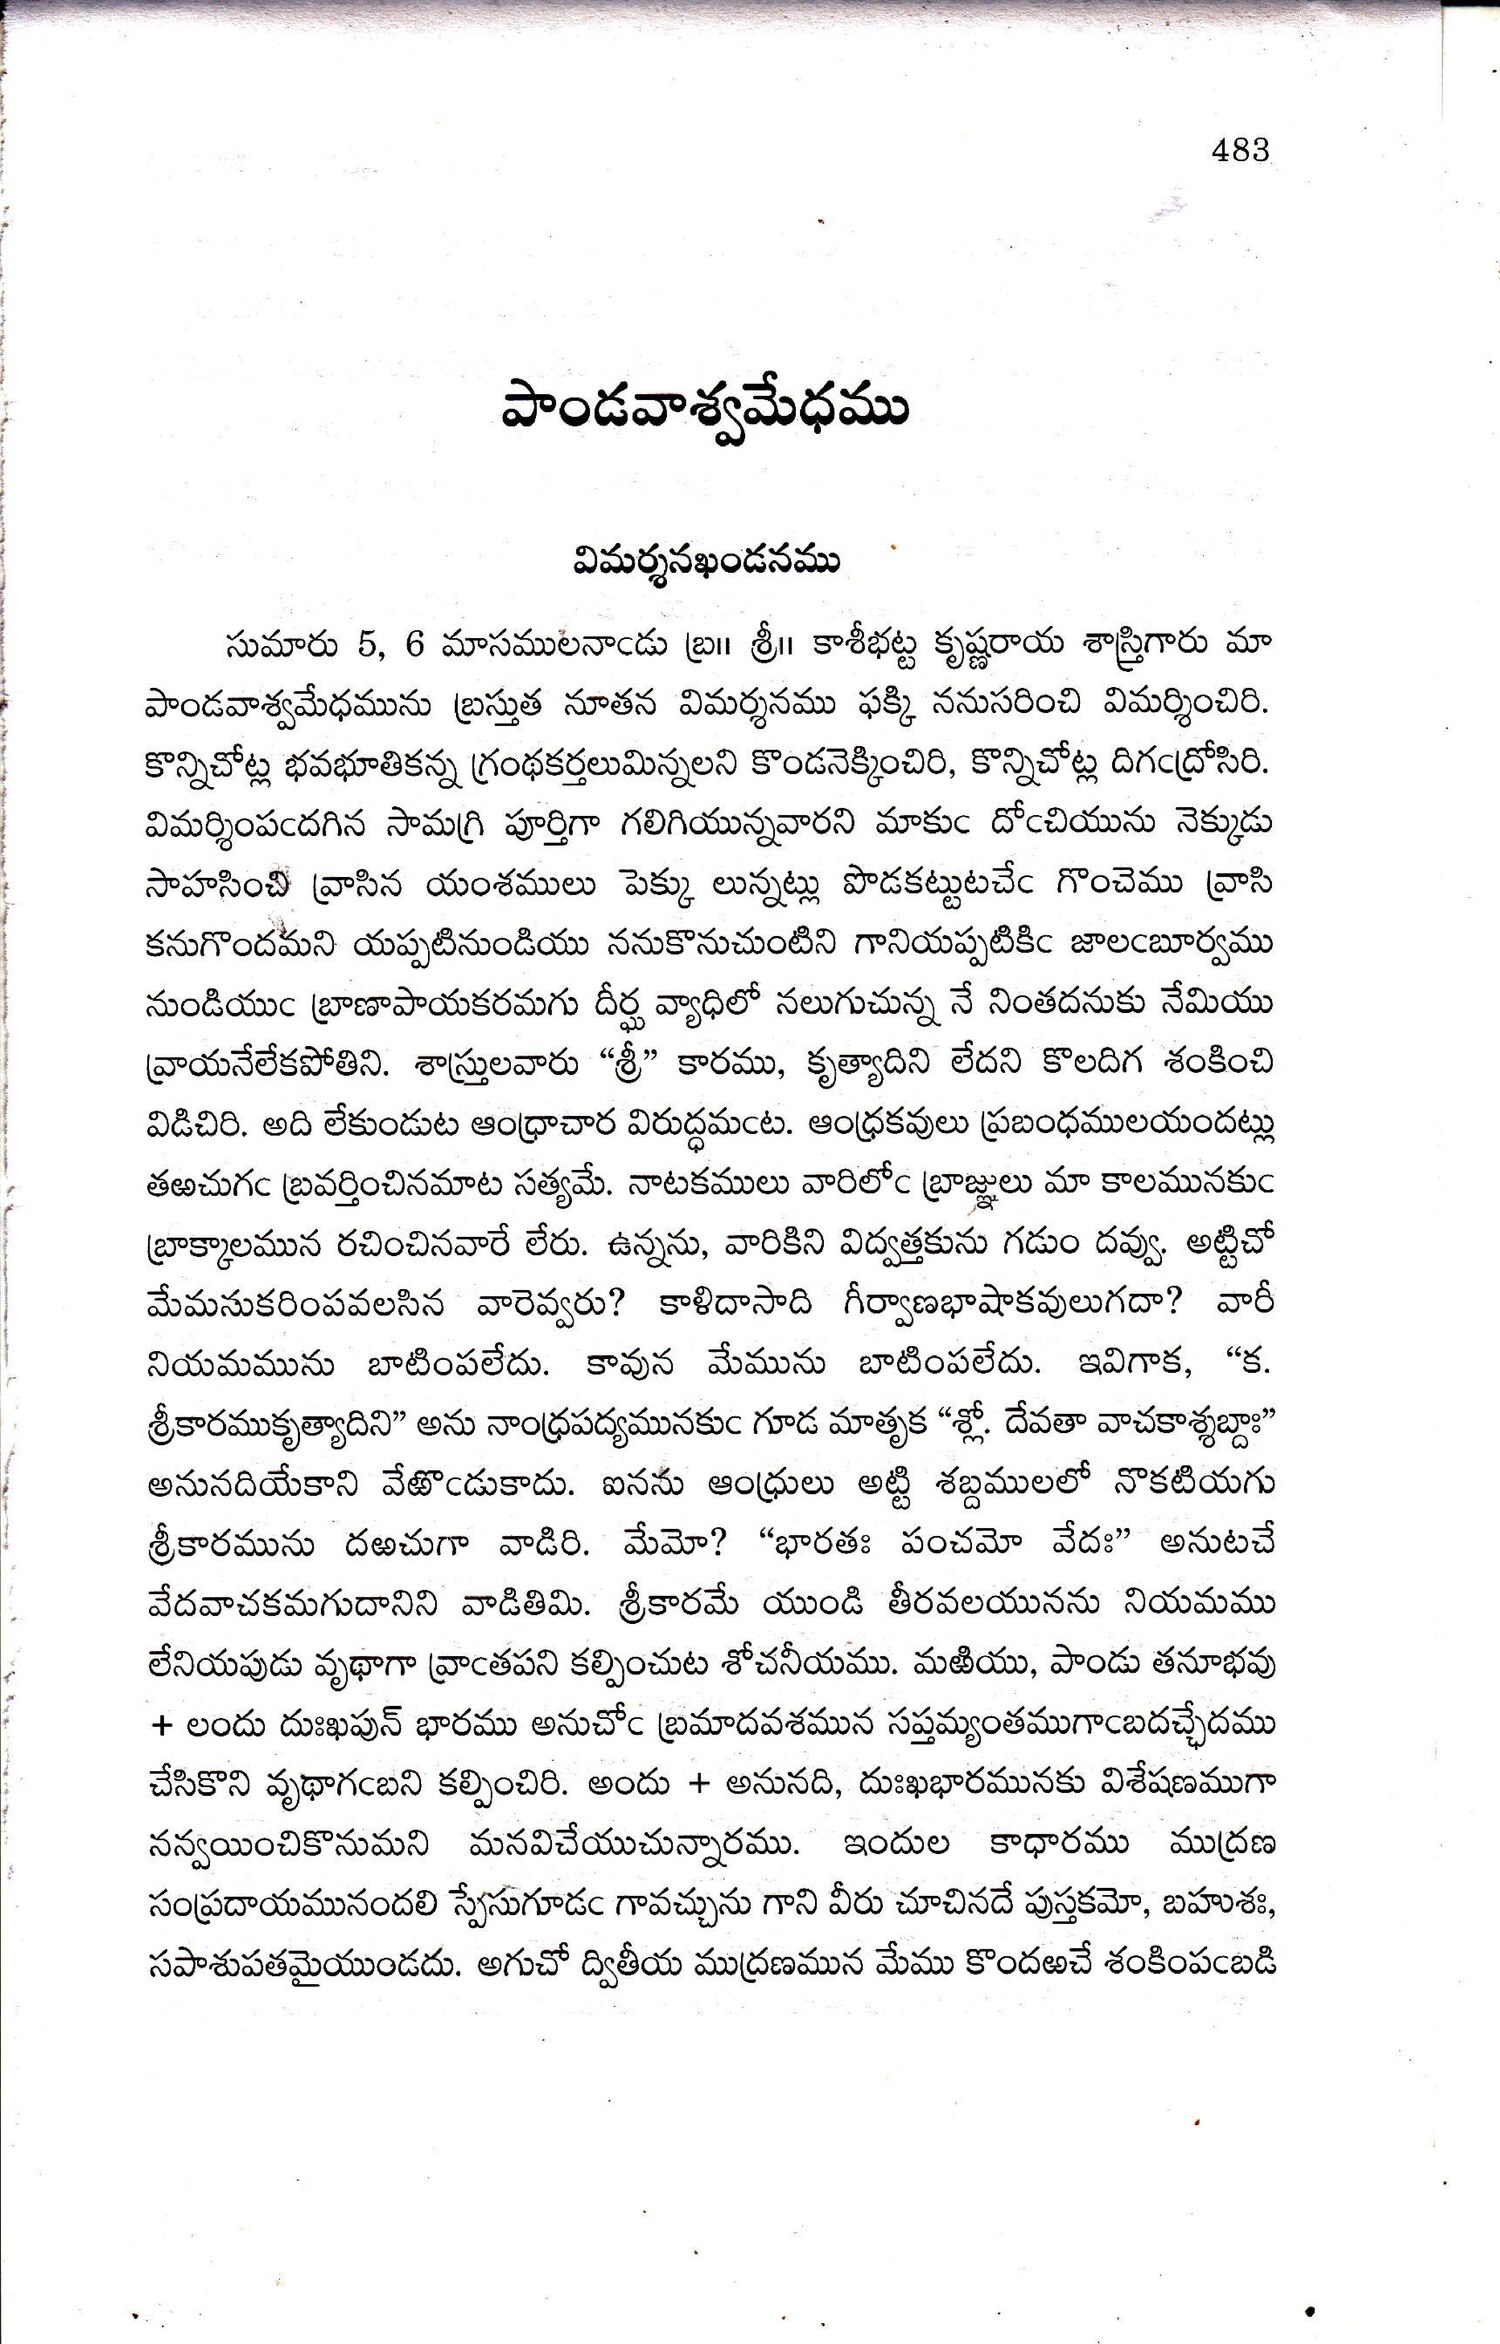పాండవాశ్వమేధము
విమర్శనఖండనము

సుమారు 5, 6 మాసములనాఁడు బ్ర|| శ్రీ|| కాశీభట్ట కృష్ణరాయ శాస్త్రిగారు మా పాండవాశ్వమేధమును బ్రస్తుత నూతన విమర్శనము ఫక్కి ననుసరించి విమర్శించిరి. కొన్నిచోట్ల భవభూతికన్న గ్రంథకర్తలుమిన్నలని కొండనెక్కించిరి, కొన్నిచోట్ల దిగంద్రోసిరి. విమర్శింపఁదగిన సామగ్రి పూర్తిగా గలిగియున్నవారని మాకుఁ దోఁచియును నెక్కుడు సాహసించి వ్రాసిన యంశములు పెక్కు లున్నట్లు పొడకట్టుటచేఁ గొంచెము వ్రాసి కనుగొందమని యప్పటినుండియు ననుకొనుచుంటిని గానియప్పటికిఁ జాలఁబూర్వము నుండియుఁ బ్రాణాపాయకరమగు దీర్ఘ వ్యాధిలో నలుగుచున్న నే నింతదనుకు నేమియు వ్రాయనేలేకపోతిని. శాస్త్రులవారు “శ్రీ" కారము, కృత్యాదిని లేదని కొలదిగ శంకించి విడిచిరి. అది లేకుండుట ఆంధ్రాచార విరుద్ధమఁట. ఆంధ్రకవులు ప్రబంధములయందట్లు తఱచుగఁ బ్రవర్తించినమాట సత్యమే. నాటకములు వారిలోఁ బ్రాజ్ఞులు మా కాలమునకుఁ బ్రాక్కాలమున రచించినవారే లేరు. ఉన్నను, వారికిని విద్వత్తకును గడుం దవ్వు. అట్టిచో మేమనుకరింపవలసిన వారెవ్వరు? కాళిదాసాది గీర్వాణభాషాకవులుగదా? వారీ నియమమును బాటింపలేదు. కావున మేమును బాటింపలేదు. ఇవిగాక, “క. శ్రీకారముకృత్యాదిని" అను నాంధ్రపద్యమునకుఁ గూడ మాతృక “శ్లో దేవతా వాచకాశ్శబ్దా" అనునదియేకాని వేఱొఁడుకాదు. ఐనను ఆంధ్రులు అట్టి శబ్దములలో నొకటియగు శ్రీకారమును దఱచుగా వాడిరి. మేమో? “భారతః పంచమో వేదః" అనుటచే వేదవాచకమగుదానిని వాడితిమి. శ్రీకారమే యుండి తీరవలయునను నియమము లేనియపుడు వృథాగా వ్రాఁతపని కల్పించుట శోచనీయము. మఱియు, పాండు తనూభవు + లందు దుఃఖపున్ భారము అనుచోఁ బ్రమాదవశమున సప్తమ్యంతముగాఁబదచ్ఛేదము చేసికొని వృథాగఁబని కల్పించిరి. అందు + అనునది, దుఃఖభారమునకు విశేషణముగా నన్వయించికొనుమని మనవిచేయుచున్నారము. ఇందుల కాధారము ముద్రణ సంప్రదాయమునందలి స్పేసుగూడఁ గావచ్చును గాని వీరు చూచినదే పుస్తకమో, బహుశః, సపాశుపతమైయుండదు. అగుచో ద్వితీయ ముద్రణమున మేము కొందఱచే శంకింపఁబడి